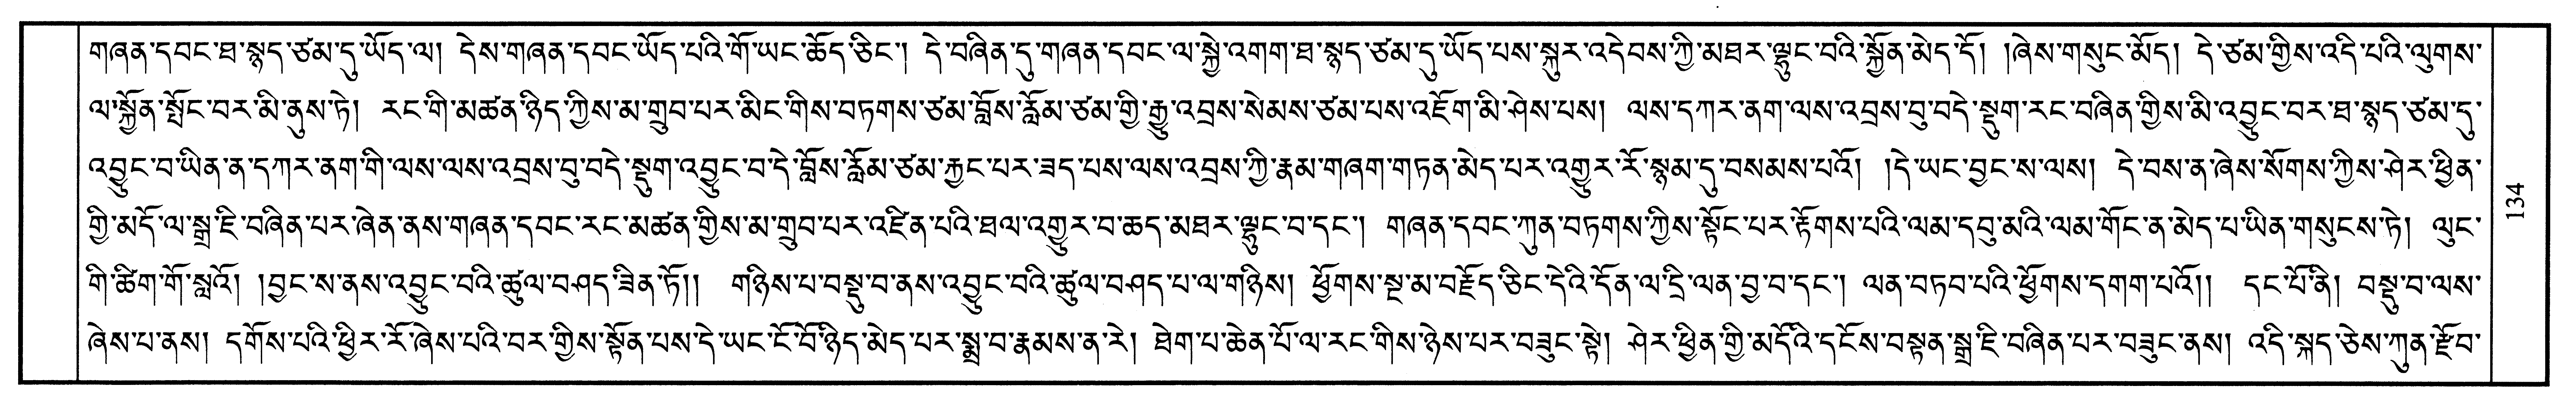གཞན་དབང་ཐ་སྙད་ཙམ་དུ་ཡོད་ལ། དེས་གཞན་དབང་ཡོད་པའི་གོ་ཡང་ཆོད་ཅིང་། དེ་བཞིན་དུ་གཞན་དབང་ལ་སྐྱེ་འགག་ཐ་སྙད་ཙམ་དུ་ཡོད་པས་སྐུར་འདེབས་ཀྱི་མཐར་ལྷུང་བའི་སྐྱོན་མེད་དོ། །ཞེས་གསུང་མོད། དེ་ཙམ་གྱིས་འདི་པའི་ལུགས་
ལ་སྐྱོན་སྤོང་བར་མི་ནུས་ཏེ། རང་གི་མཚན་ཉིད་ཀྱིས་མ་གྲུབ་པར་མིང་གིས་བཏགས་ཙམ་བློས་རློམ་ཙམ་གྱི་རྒྱུ་འབྲས་སེམས་ཙམ་པས་འཇོག་མི་ཤེས་པས། ལས་དཀར་ནག་ལས་འབྲས་བུ་བདེ་སྡུག་རང་བཞིན་གྱིས་མི་འབྱུང་བར་ཐ་སྙད་ཙམ་དུ་
འབྱུང་བ་ཡིན་ན་དཀར་ནག་གི་ལས་ལས་འབྲས་བུ་བདེ་སྡུག་འབྱུང་བ་དེ་བློས་རློམ་ཙམ་རྐྱང་པར་ཟད་པས་ལས་འབྲས་ཀྱི་རྣམ་གཞག་གཏན་མེད་པར་འགྱུར་རོ་སྙམ་དུ་བསམས་པའོ། །དེ་ཡང་བྱང་ས་ལས། དེ་བས་ན་ཞེས་སོགས་ཀྱིས་ཤེར་ཕྱིན་
གྱི་མདོ་ལ་སྒྲ་ཇི་བཞིན་པར་ཞེན་ནས་གཞན་དབང་རང་མཚན་གྱིས་མ་གྲུབ་པར་འཛིན་པའི་ཐལ་འགྱུར་བ་ཆད་མཐར་ལྷུང་བ་དང་། གཞན་དབང་ཀུན་བཏགས་ཀྱིས་སྟོང་པར་རྟོགས་པའི་ལམ་དབུ་མའི་ལམ་གོང་ན་མེད་པ་ཡིན་གསུངས་ཏེ། ལུང་
གི་ཚིག་གོ་སླའོ། །བྱང་ས་ནས་འབྱུང་བའི་ཚུལ་བཤད་ཟིན་ཏོ།། གཉིས་པ་བསྡུ་བ་ནས་འབྱུང་བའི་ཚུལ་བཤད་པ་ལ་གཉིས། ཕྱོགས་སྔ་མ་བརྗོད་ཅིང་དེའི་དོན་ལ་དྲི་ལན་བྱ་བ་དང་། ལན་བཏབ་པའི་ཕྱོགས་དགག་པའོ།། དང་པོ་ནི། བསྡུ་བ་ལས་
ཞེས་པ་ནས། དགོས་པའི་ཕྱིར་རོ་ཞེས་པའི་བར་གྱིས་སྟོན་པས་དེ་ཡང་ངོ་བོ་ཉིད་མེད་པར་སྨྲ་བ་རྣམས་ན་རེ། ཐེག་པ་ཆེན་པོ་ལ་རང་གིས་ཉེས་པར་བཟུང་སྟེ། ཤེར་ཕྱིན་གྱི་མདོའི་དངོས་བསྟན་སྒྲ་ཇི་བཞིན་པར་བཟུང་ནས། འདི་སྐད་ཅེས་ཀུན་རྫོབ་